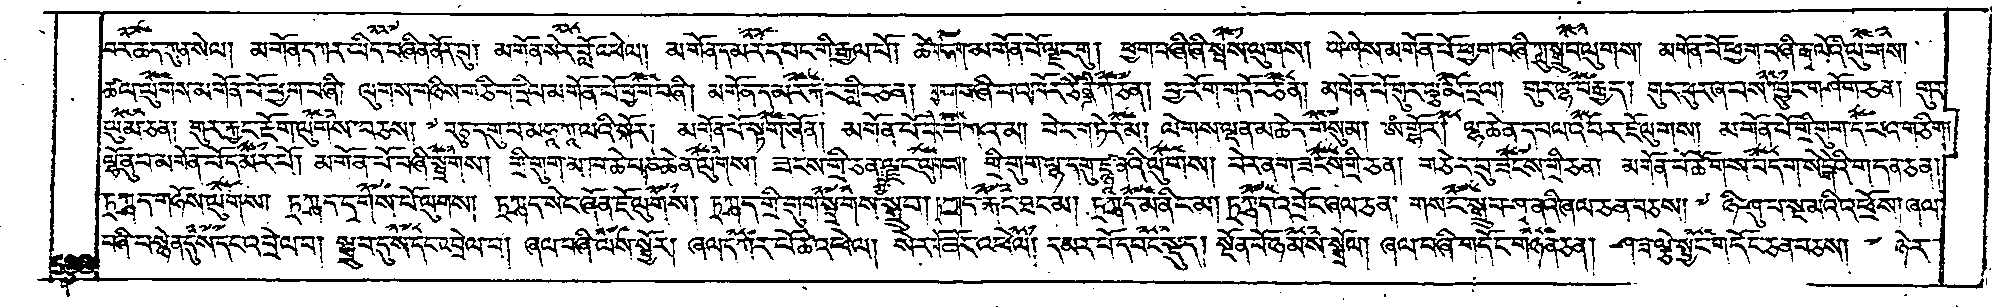བར་ཆད་ཀུན་སེལ། མགོན་དཀར་ཡིད་བཞིན་ནོར་བུ། མགོན་སེར་བློ་འཕེལ། མགོན་དམར་དབང་གི་རྒྱལ་པོ། ཚེ་བདག་མགོན་པོ་ལྗང་གུ། ཕྱག་བཞི་ཞི་སྦས་ལུགས། ཡེ་ཤེས་མགོན་པོ་ཕྱག་བཞི་ཀླུ་སྒྲུབ་ལུགས། མགོན་པོ་ཕྱག་བཞི་རྒྭ་ལོའི་ལུགས།
ཚལ་ལུགས་མགོན་པོ་ཕྱག་བཞི། ལུགས་གཉིས་གཅིག་དྲིལ་མགོན་པོ་ཕྱག་བཞི། མགོན་དམར་རྐང་གླིང་ཅན། ཕྱག་བཞི་པ་འཁོར་རྩཻནྜི་ཀ་ཅན། བྱ་རོག་གདོང་ཅན། མགོན་པོ་གུར་ལྔ་མ་དྲལ། གུར་ལྷ་བརྒྱད། གུར་ཕུར་ཞབས་ཁྱུང་གཤོག་ཅན། གུར་
ཡུམ་ཅན། གུར་རྐྱང་རྔོག་ལུགས་བཅས། ༧་བཅུ་དགུ་པ་མཧཱ་ཀཱ་ལའི་སྐོར། མགོན་པོ་སྟ་གཞོན། མགོན་པོ་བེང་བཀའ་མ། བེང་གཏེར་མ། ལེགས་ལྡན་མཆེད་གསུམ། ཨཾ་གྷོར། ལྷ་ཆེན་དཔལ་བར་ཇོ་ལུགས། མགོན་པོ་གྲི་གུག་དཔའ་གཅིག།
ལྷོ་ནུབ་མགོན་པོ་དམར་པོ། མགོན་པོ་བཞི་སྦྲགས། གྲི་གུག་མ་ཁ་ཆེ་པཎ་ཆེན་ལུགས། ཟངས་གྲི་ཅན་གྱི་ལྗང་ལུགས། གྲི་གུག་ལྷ་དགུ་ཛྙཱ་ནའི་ལུགས། བེར་ནག་ཟངས་གྲི་ཅན། གཅེར་བུ་ཟངས་གྲི་ཅན། མགོན་པོ་ཚོགས་བདེག་སེངྒེའི་གདན་ཅན།
ཏྲཀྴད་གཉོས་ལུགས། ཏྲཀྴད་དྭགས་པོ་ལུགས། ཏྲཀྴད་སེང་ཞོན་ཇོ་ལུགས། ཏྲཀྴད་གྲི་གུག་སྦྲགས་སྒྲུབ། ཏྲཀྴད་རྐང་ཐང་མ། ཏྲཀྴད་མ་ནིང་མ། ཏྲཀྴད་འབྲོང་ཞལ་ཅན། གསང་སྒྲུབ་ཤྭ་ནའི་ཞལ་ཅན་བཅས། ༧་ཉི་ཤུ་པ་སྔ་མའི་འཕྲོས། ཞལ་
བཞི་བསྙེན་དུས་དང་འབྲེལ་བ། སྒྲུབ་དུས་དང་འབྲེལ་བ། ཞལ་བཞི་ལས་སྦྱོར། ཞལ་དཀར་པོ་ཚེ་འཕེལ། སེར་པོ་ནོར་འཕེལ། དམར་པོ་དབང་སྡུད། སྔོན་པོ་ཉམས་སྒྲོལ། ཞལ་བཞི་གདོང་གཉན་ཅན། ཤ་ཟ་ལྕེ་སྤྱང་གདོང་ཅན་བཅས། ༧་ཉེར་